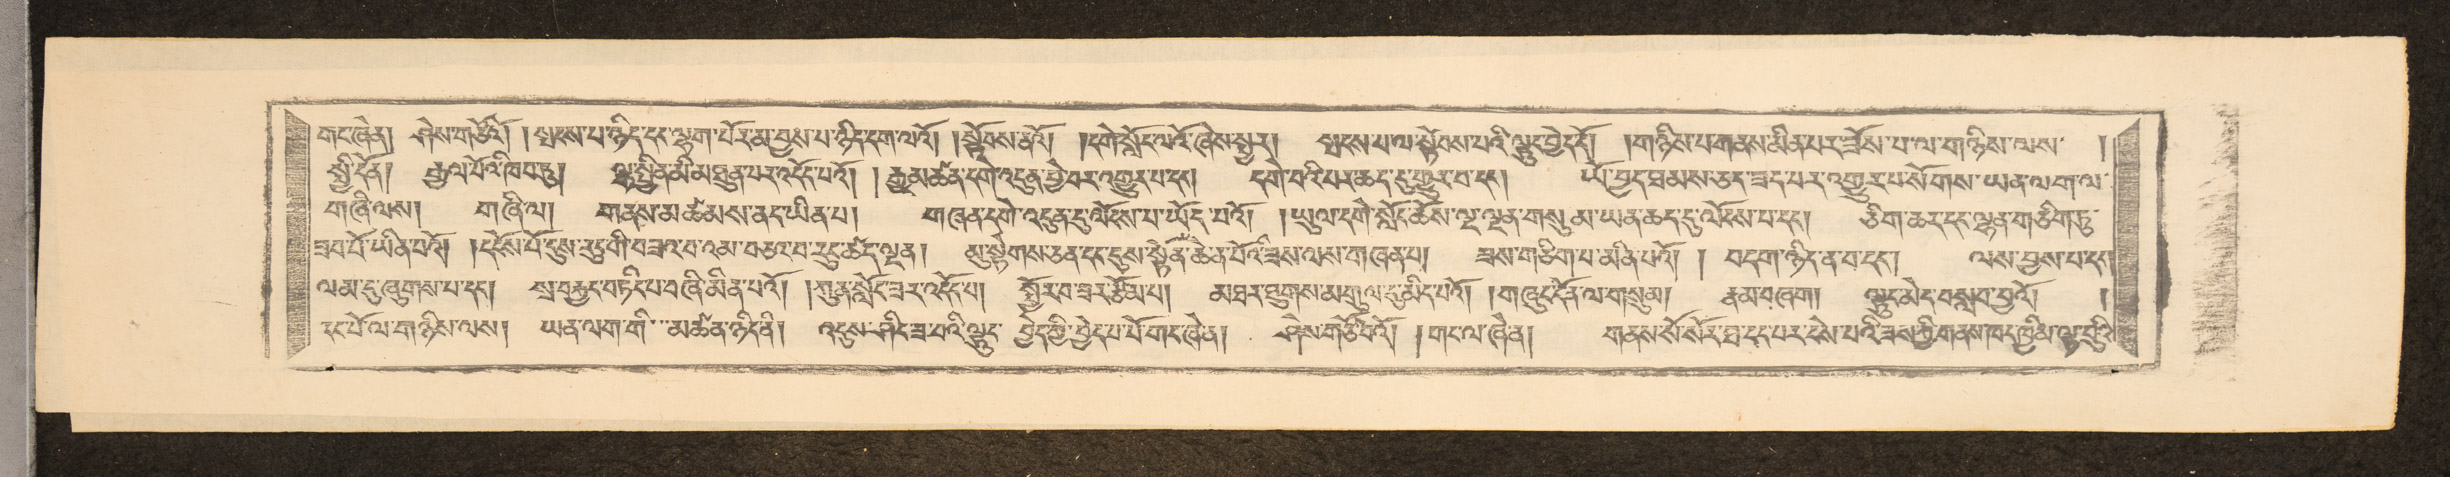གང་ཞེ་ན། ཤེས་གཙོའོ། །སྤངས་པ་ཉིད་དང་ལྷག་པོར་མ་བྱས་པ་ཉིད་དག་ལའོ། །སྟོབས་ནའོ། །དགེ་སློང་ལའོ་ཞེས་སྦྱར། སྤངས་པ་ལ་སྟོབས་པའི་ལྟུང་བྱེད་དོ། །གཉིས་པ་གནས་མིན་པར་ཟོས་པ་ལ་གཉིས་
ལས། སྤྱི་དོན། རྒྱལ་པོའི་ཁབ་ཏུ། ལྷ་སྦྱིན་མི་མཐུན་པར་འདོད་པའོ། །རྒྱུ་མཚན་དགེ་འདུན་བྱེ་བར་འགྱུར་བ་དང་། དགེ་བའི་བར་ཆད་དུ་འགྱུར་བ་དང་། ཡོ་བྱད་ཐམས་ཅད་ཟད་པར་འགྱུར་བ་སོགས་
ཡན་ལག་ལ་བཞི་ལས། གཞི་ལ། གནས་མཚམས་ནད་ཡིན་པ། གཞན་དགེ་འདུན་དུ་ལོངས་པ་ཡོད་པའོ། །ཡུལ་དགེ་སློང་ཆོས་ལྔ་ལྡན་གསུམ་ཡན་ཆད་དུ་ལོངས་པ་དང་། ཅིག་ཆར་དང་ལྷན་ཅིག་ཏུ་ཟབ་
པོ་ཡིན་པའོ། །དངོས་པོ་དུས་དུང་གི་བཟའ་པའམ་བཅའ་བ་རུང་ཚད་ལྡན། མུ་སྟེགས་ཅན་དང་དུས་སྟོན་ཆེན་པོའི་ཟས་ལས་གཞན་པ། ཟས་གཅིག་པ་མིན་པའོ། །བདག་ཉིད་ན་བ་དང་། ལས་བྱས་པ་དང་
ལམ་དུ་ཞུགས་པ་དང་། སྲ་བརྐྱང་བཏང་བ་བཞི་མིན་པའོ། །ཀུན་སློང་ཟེར་འདོད་པ། སྦྱོར་བ་ཟར་རྩོམ་པ། མཐར་ཐུག་མགུལ་དུ་མིད་པའོ། །གཞུང་དོན་ལ་གསུམ། རྣམ་བཞག །ལྟུང་མེད་བསླབ་བྱའོ། །
དང་པོ་ལ་གཉིས་ལས། ཡན་ལག་གི་མཚན་ཉིད་ནི། འདུས་ཤིད་ཟ་བའི་ལྟུང་བྱེད་ཀྱི་བྱེད་པ་པོ་གང་ཞེ་ན། ཤེས་གཙོའོ། །གང་ལ་ཞེ་ན། གནས་སོ་སོར་ཐ་དད་པར་ངེས་པའི་ཟས་ཀྱི་གནས་ཁང་ཁྱིམ་ལྟ་བུའི་